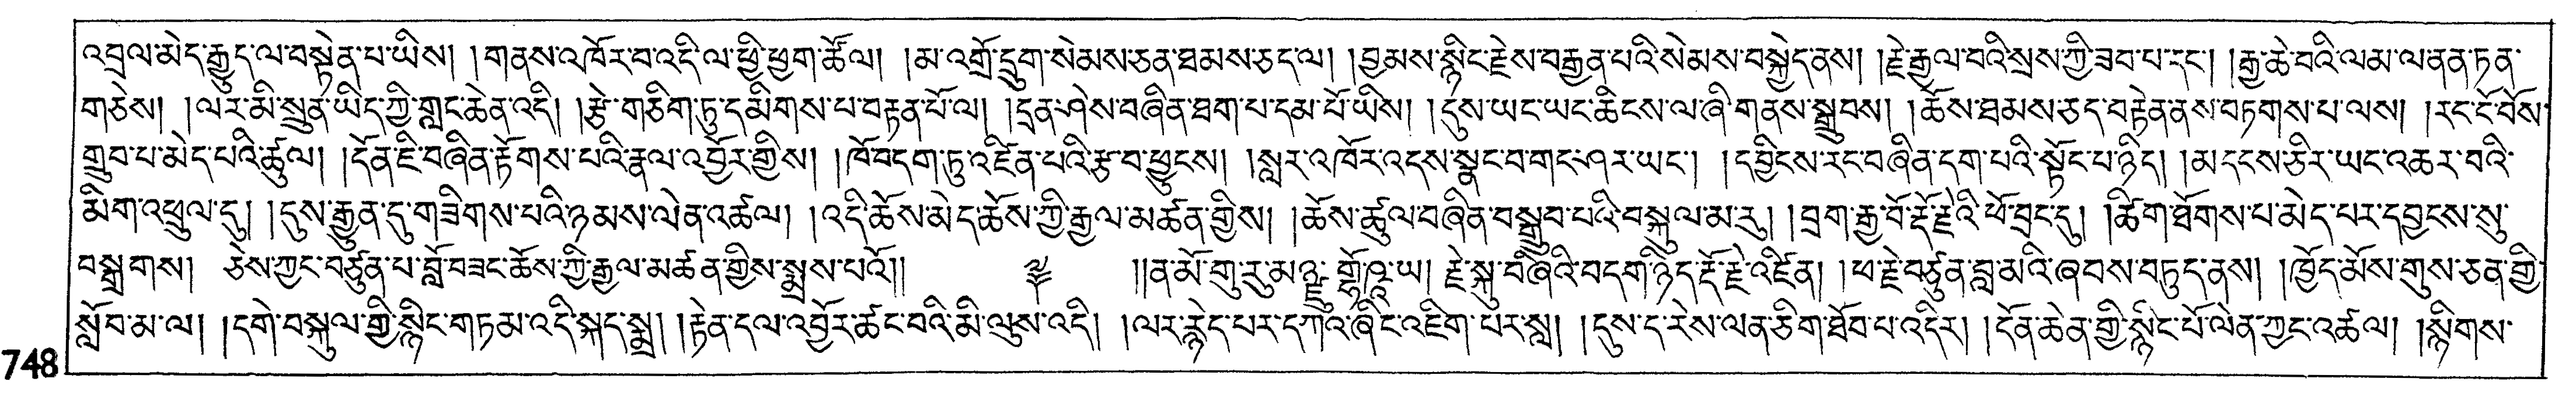འབྲལ་མེད་རྒྱུད་ལ་བསྟེན་པ་ཡིས། །གནས་འཁོར་བ་འདི་ལ་ཕྱི་ཕྱག་ཚོལ། །མ་འགྲོ་དྲུག་སེམས་ཅན་ཐམས་ཅད་ལ། །བྱམས་སྙིང་རྗེས་བརྒྱན་པའི་སེམས་བསྐྱེད་ནས། །རྗེ་རྒྱལ་བའི་སྲས་ཀྱི་ཟབ་པ་དང་། །རྒྱ་ཆེ་བའི་ལམ་ལ་ནན་ཏན་
གཅེས། །ལར་མི་སྲུན་ཡིད་ཀྱི་གླང་ཆེན་འདི། །རྗེ་གཅིག་ཏུ་དམིགས་པ་བརྟན་པོ་ལ། །དྲན་ཤེས་བཞིན་ཐག་པ་དམ་པོ་ཡིས། །དུས་ཡང་ཡང་ཆིངས་ལ་ཞི་གནས་སྒྲུབས། །ཆོས་ཐམས་ཅད་བརྟེན་ནས་བཏགས་པ་ལས། །རང་ངོ་བོས་
གྲུབ་པ་མེད་པའི་ཚུལ། །དོན་ཇི་བཞིན་རྟོགས་པའི་རྣལ་འབྱོར་གྱིས། །ཁོ་བདག་ཏུ་འཛིན་པའི་རྩ་བ་ཕྱུངས། །སླར་འཁོར་འདས་སྣང་བ་གང་ཤར་ཡང་། །དབྱིངས་རང་བཞིན་དག་པའི་སྟོང་པ་ཉིད། །མདངས་ཅིར་ཡང་འཆར་བའི་
མིག་འཕྲུལ་དུ། །དུས་རྒྱུན་དུ་གཟིགས་པའི་ཉམས་ལེན་འཚལ། །འདི་ཆོས་མེད་ཆོས་ཀྱི་རྒྱལ་མཚན་གྱིས། །ཆོས་ཚུལ་བཞིན་བསྒྲུབ་པའི་བསྐུལ་མ་རུ། །བྲག་རྒྱ་བོ་རྡོ་རྗེའི་ཕོ་བྲང་དུ། །ཚིག་ཐོགས་པ་མེད་པར་དབྱངས་སུ་
བསྒྲགས། །ཅེས་ཀྱང་བཙུན་པ་བློ་བཟང་ཆོས་ཀྱི་རྒྱལ་མཚན་གྱིས་སྨྲས་པའོ།། ༈ །།ན་མོ་གུ་རུ་མཉྫུ་གྷོ་ཥཱ་ཡ། རྗེ་སྐུ་བ་ཞིའི་བདག་ཉིད་རྡོ་རྗེ་འཛིན། །ཕ་རྗེ་བཙུན་བླ་མའི་ཞབས་བཏུད་ནས། །ཁྱོད་མོས་གུས་ཅན་གྱི་
སློབ་མ་ལ། །དགེ་བསྐུལ་གྱི་སྙིང་གཏམ་འདི་སྐད་སྨྲ། །རྟེན་དལ་འབྱོར་ཚང་བའི་མི་ལུས་འདི། །ལར་རྙེད་པར་དཀའ་ཞིང་འཇིག་པར་སླ། །དུས་ད་རེས་ལན་ཅིག་ཐོབ་པ་འདིར། །དོན་ཆེན་གྱི་སྙིང་པོ་ལེན་ཀྱང་འཚལ། །སྙིགས་